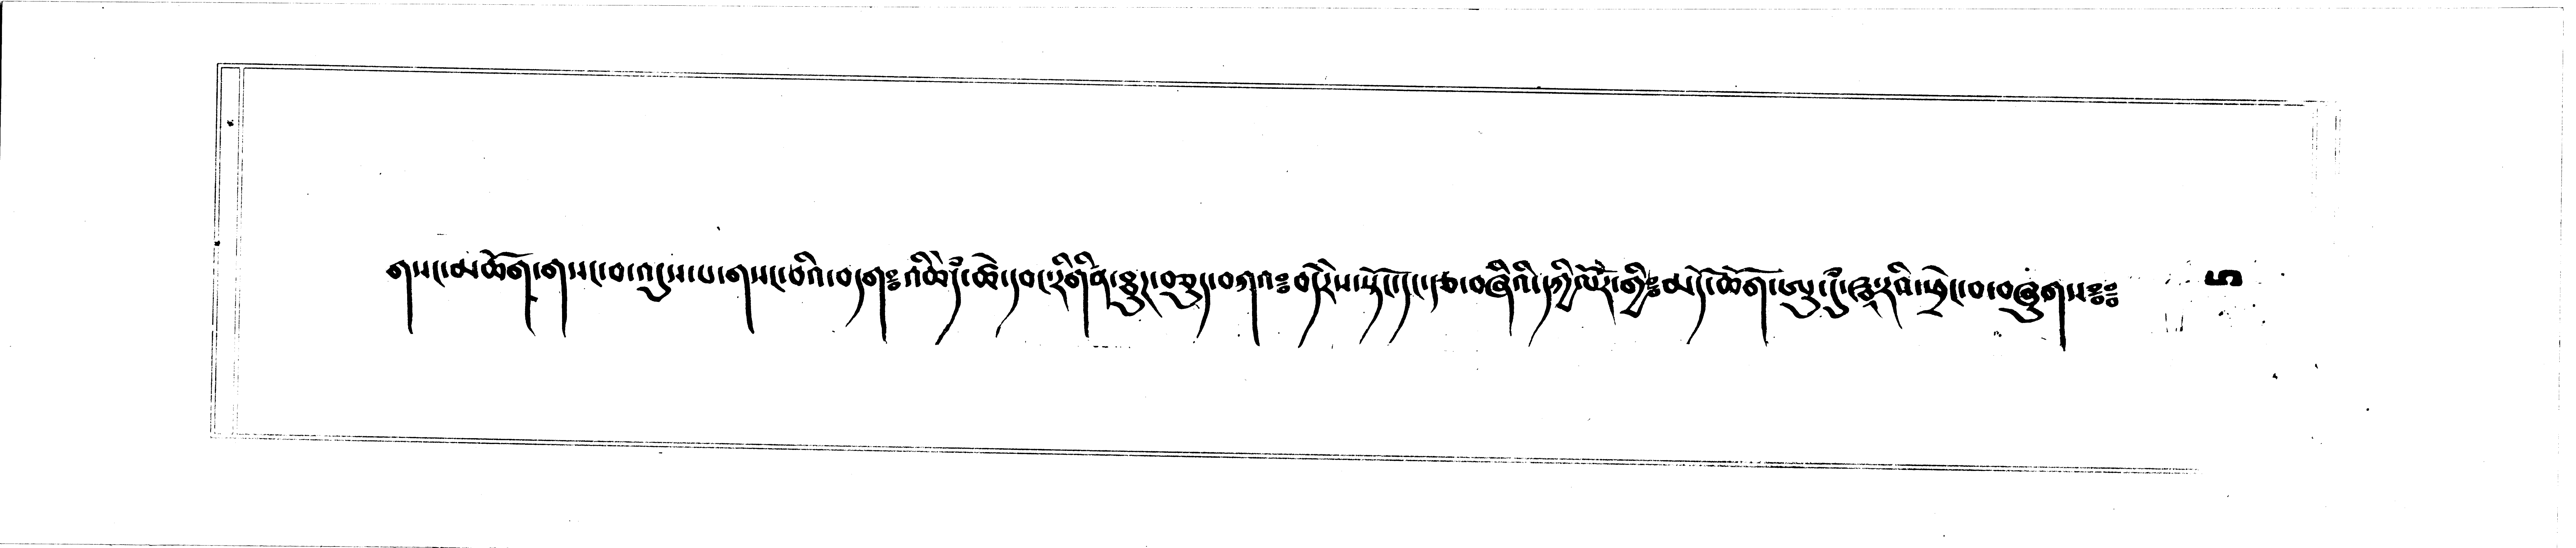གསང་མཆོག་གསང་བ་འདུས་པ་གསང་བའི་བདགཿ འཆི་མེད་ཚེ་དབང་རིག་འཛིན་ཐུགས་བཅུད་བཀའཿ བདེར་གཤེགས་སྟོང་དང་རྩ་བཞིའི་དཀྱིལ་མཁོར་གྱིཿ མདོ་ཆོག་ཨུ་དུམ་ཝ་རའི་ཕྲེང་བ་བཞུགསཿ